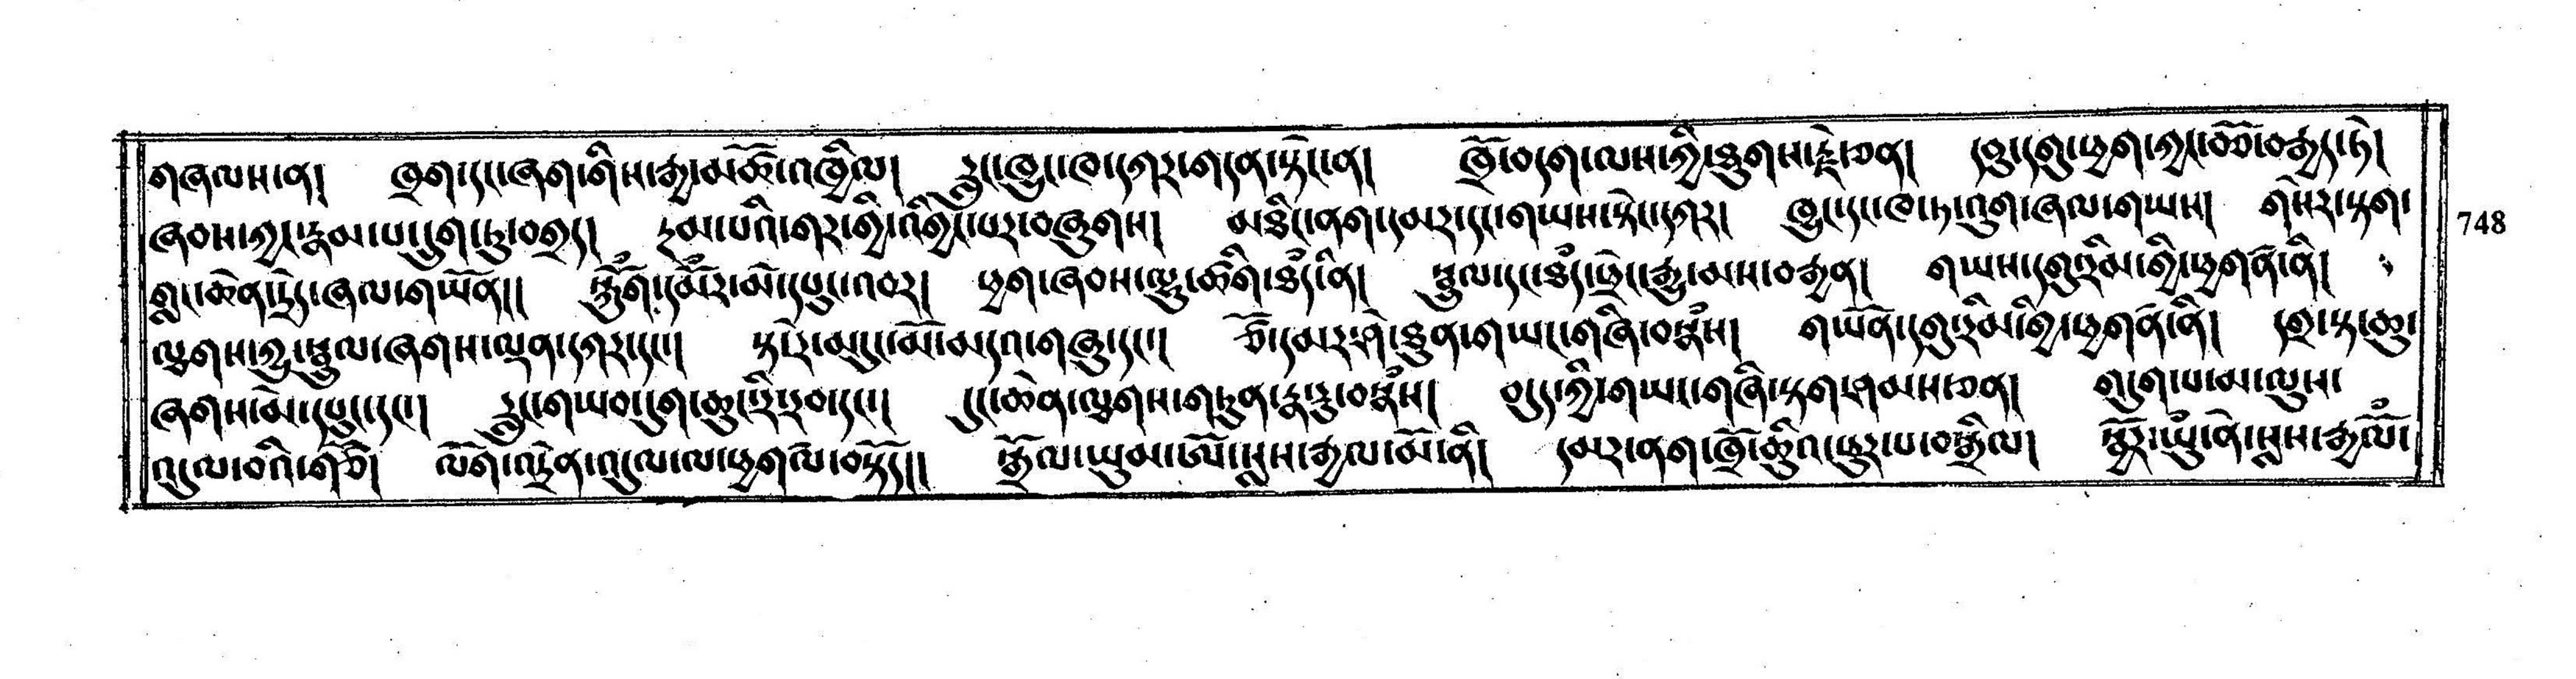གཞལ་ཡས་ན། ཁྲག་དང་ཞག་གིས་རྒྱ་མཚོ་འཁྱིལ། རླུང་ཁྱུང་ཁ་དཀར་གདན་སྟེང་ན། ཁྲོ་བདག་ལས་ཀྱི་ཐུགས་རྗེ་ཅན། དབུ་དགུ་ཕྱག་ཀྱང་བཅོ་བརྒྱད་ཏེ། 
ཞབས་ཀྱང་རྣམ་པ་དྲུག་ཏུ་བགྲད། རྔམ་པའི་གར་གྱི་འགྱིང་པར་བཞུགས། མཐིང་ནག་དམར་དང་གཡས་སྟེང་དཀར། ཁྱུང་དང་ཁ་ཏ་འུག་ཞལ་གཡས། གསེར་སྟག་
གླང་ཆེན་དྲེད་ཞལ་གཡོན།། སྐུ་མདོག་དམར་མོ་མེ་དཔུང་འབར། ཕྱག་ཞབས་ལྷུ་ཚིག་ཐམས་ཅད་ནི། སྦྲུལ་དང་ཐོད་ཕྲེང་རྒྱུ་མས་བརྒྱན། གཡས་དགུ་རིམ་གྱི་ཕྱག་མཚན་ནི། 
ལྕགས་ཀྱུ་སྦྲུལ་ཞགས་ལྡན་དཀར་དང་། སྟ་རེ་མདུང་མོ་མདའ་གཞུ་དང་། ཙོ་དམར་ཤེ་ཐུན་གཡང་གཞི་བསྣམས། གཡོན་དགུ་རིམ་གྱི་ཕྱག་མཚན་ནི། དགྲ་སྟ་ཆུ་
ཞགས་མེ་དཔུང་དང་། རླུང་གཡབ་དུག་ཆུང་རི་རབ་དང་། དུང་ཆེན་ལྕགས་གཏུན་རྣ་རུ་བསྣམས། བདུད་ཀྱི་གཡང་གཞི་སྟག་ཤམས་ཅན། གདུག་པ་མ་ལུས་
འདུལ་བའི་གཙོ། ལོག་འདྲེན་འདུལ་ལ་ཕྱག་འཚལ་བསྟོད།། སྒྲོལ་ཡུམ་ཨོ་སླས་རྒྱལ་མོ་ནི། དམར་ནག་ཁྲོ་ཆུའི་ཕུར་པ་བསྒྲིལ། སྦྱོར་ཡུམ་ནེ་སླས་རྒྱལ་མོ་